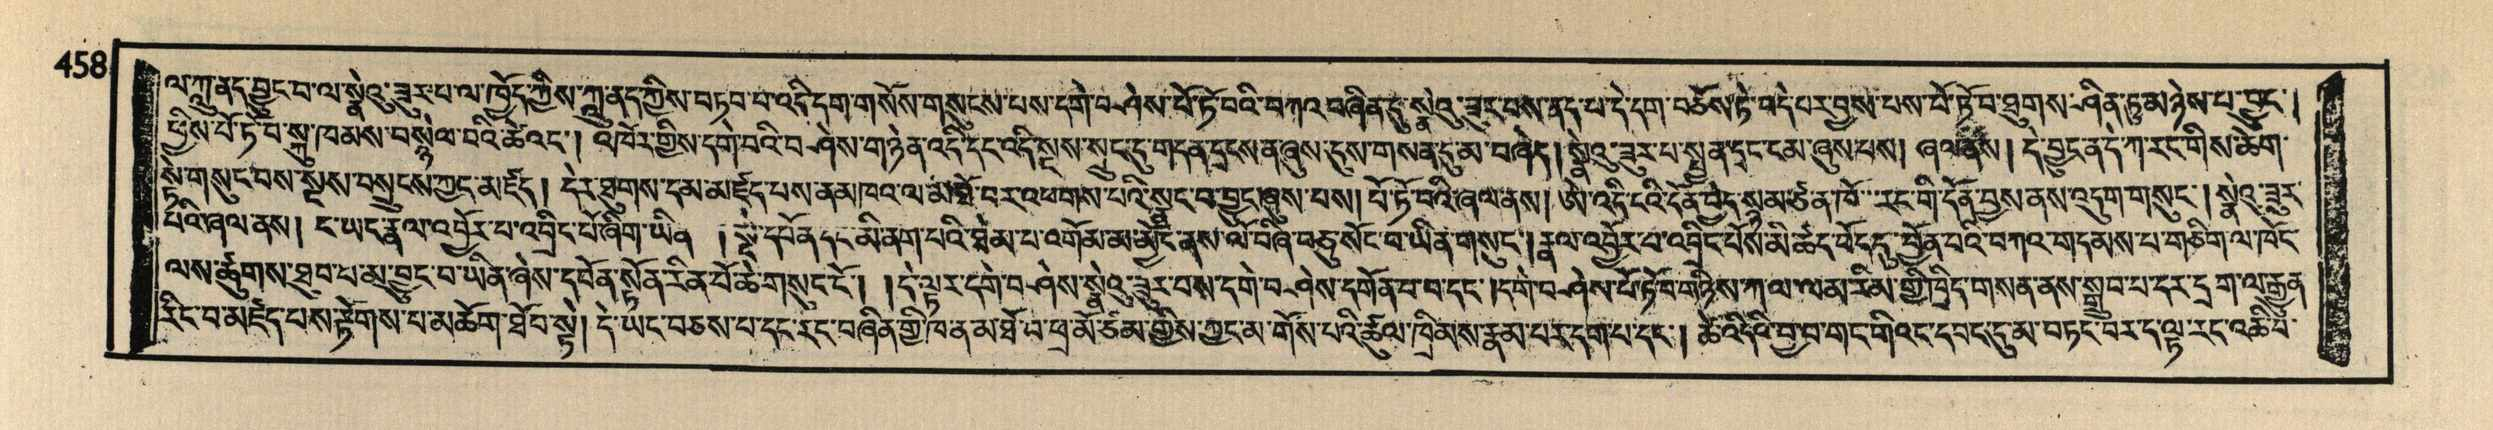ལ་ཀླུ་ནད་བྱུང་བ་ལ་སྣེའུ་ཟུར་པ་ལ་ཁྱོད་ཀྱིས་ཀླུ་ནད་ཀྱིས་བཏབ་པ་འདི་དག་གསོས་གསུངས་པས་དགེ་བཤེས་པོ་ཏོ་བའི་བཀའ་བཞིན་དུ་སྣེའུ་ཟུར་པས་ནད་པ་དེ་དག་བཅོས་ཏེ་བདེ་པར་བྱས་པས་པོ་ཏོ་བ་ཐུགས་ཤིན་ཏུ་མཉེས་པ་བྱུང་།
ཕྱིས་པོ་ཏོ་བ་སྐུ་ཁམས་བསྙེལ་བའི་ཚེའང་། འཁོར་གྱིས་དགེ་བའི་བཤེས་གཉེན་འདི་དང་འདི་སྔས་སྲུང་དུ་གདན་དྲངས་ན་ཞུས་དུས་གསན་དུ་མ་བཞེད་།སྣེའུ་ཟུར་པ་སྤྱན་དྲང་ངམ་ཞུས་པས། ཞལ་ནས། དེ་བྱུང་ན་དེ་ཀ་རང་གིས་ཆེག་
སྟེ་གསུང་བས་སྔས་བསྲུངས་ཀྱང་མཛད། དེར་ཐུགས་དམ་མཛད་པས་ནམཁའ་ལ་མཐོ་བར་འཕགས་པའི་སྣང་བ་བྱུང་ཞུས་པས། པོ་ཏོ་བའི་ཞལ་ནས། ཨེ་འདི་ངའི་དོན་བྱེད་སྙམ་ཙ་ན་ཁོ་རང་གི་དོན་བྱས་ནས་འདུག་གསུང་། སྣེའུ་ཟུར་
པའི་ཞལ་ནས། ང་ཡང་རྣལ་འབྱོར་པ་འབྲིང་པོ་ཞིག་ཡིན་།སྡེ་དཔོན་དང་མི་ནག་པའི་ཐེམ་པ་འགོམ་མ་མྱོང་ནས་ལོ་བཞི་བཅུ་སོང་བ་ཡིན་གསུང་། རྣལ་འབྱོར་པ་འབྲིང་པོས་མི་ཚང་བོད་དུ་བྱོན་པའི་བཀའ་གདམས་པ་གཅིག་ལ་ཁོང་
ལས་ཚུགས་ཐུབ་པ་མ་བྱུང་བ་ཡིན་ཞེས་དབོན་སྟོན་རིན་པོ་ཆེ་གསུང་ངོ། །དེ་ལྟར་དགེ་བཤེས་སྣེའུ་ཟུར་བས་དགེ་བཤེས་དགོན་པ་བ་དང་།དགེ་བཤེས་པོ་ཏོ་བ་གཉིས་ཀ་ལ་ལམ་རིམ་གྱི་ཁྲིད་གསན་ནས་སྒྲུབ་པ་དར་དྲག་ལ་རྒྱུན་
རིང་བ་མཛད་པས་རྟོགས་པ་མཆོག་ཐོབ་སྟེ། དེ་ཡང་བཅས་པ་དང་རང་བཞིན་གྱི་ཁ་ན་མ་ཐོ་བ་ཕྲ་མོ་ཙམ་གྱིས་ཀྱང་མ་གོས་པའི་ཚུལ་ཁྲིམས་རྣམ་པར་དག་པ་དང་། ཚེ་འདིའི་བྱ་བ་གང་གིའང་དབང་དུ་མ་བཏང་བར་ད་ལྟ་རང་འཆི་པ་